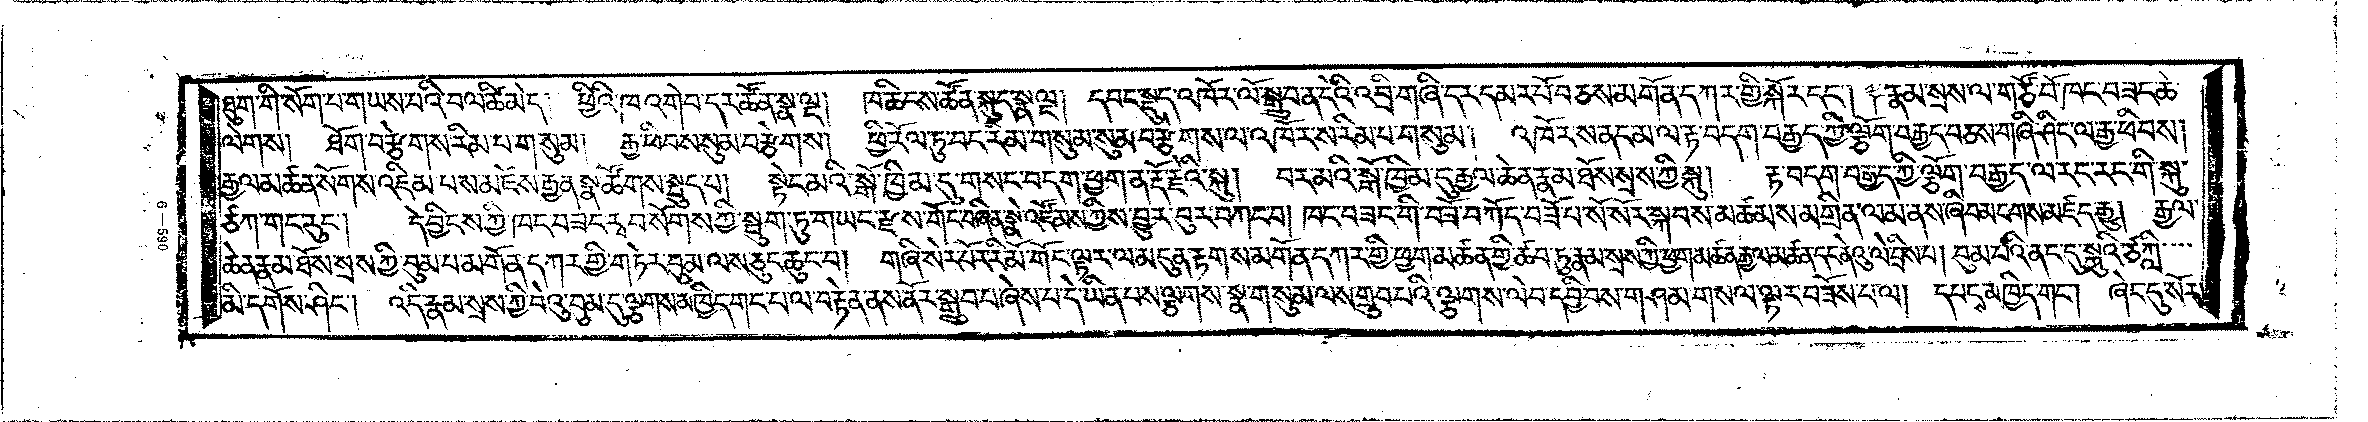ཐུག་གི་སོག་པ་གཡས་པའི་བལ་ཚི་མེད་ཕྱིའི་ཁ་འགེབ་དར་ཚོན་སྣ་ལྔ། ཁ་ཆིངས་ཚོན་སྐུད་སྣ་ལྔ། དབང་སྡུད་འཁོར་ལོ་སྒྲུབ་ན་དེའི་འབྲི་གཞི་དར་དམར་པོ་བཅས་མགོན་དཀར་གྱི་སྐོར་དང་། ༈ རྣམ་སྲས་ལ་གཙོ་བོ་ཁང་བཟང་ཆེ་
ལེགས། ཐོག་བརྩེགས་རིམ་པ་གསུམ། རྒྱ་ཕྱིབས་སུམ་བརྩེགས། ཕྱི་རོལ་ཏུ་བང་རིམ་གསུམ་སུམ་བརྩེ་གསལ་འཁོར་ས་རིམ་པ་གསུམ། འཁོར་སན་ངམ་ལ་རྟ་བདག་བརྒྱད་ཀྱི་ལྕོག་བརྒྱད་བཅས་གཞི་ཤིང་ལ་རྒྱ་ཕིབས།
རྒྱལ་མཚན་སོགས་འཇིམ་པས་མཛེས་རྒྱན་སྣ་ཚོགས་སྤུད་པ། སྟེང་མའི་སྒོ་ཁྱིམ་དུ་གསང་བདག་ཕྱག་ན་རྡོ་རྗེའི་སྐུ། བར་མའི་སྒོ་ཁྱིམ་དུ་རྒྱལ་ཆེན་རྣམ་ཐོས་སྲས་ཀྱི་སྐུ། རྟ་བདག་བརྒྱད་ཀྱི་ལྕོག་བརྒྱད་ལ་རང་རང་གི་སྐུ་
ཙག་གང་རུང་། དེ་བྱིངས་ཀྱི་ཁང་བཟང་རྭ་བ་སོགས་ཀྱི་སྦུག་ཏུ་གཡང་རྫས་གོང་བཞིན་སྣེ་འཛོམས་ཀྱིས་བྱུར་བུར་བཀང་བ། ཁང་བཟང་གི་བཟོ་བཀོད་བཟོ་པ་སོ་སོར་སྐབས་མཚམས་མགྲིན་ལམ་ནས་ཞིབ་མངགས་མཛད་རྒྱུ། རྒྱལ་
ཆེན་རྣམ་ཐོས་སྲས་ཀྱི་བུམ་པ་མགོན་དཀར་གྱི་གཏེར་བུམ་ལས་ཅུང་ཆུང་བ། གཞི་སེར་པོར་རི་མོ་གོང་ལྟར་ལ་མདུན་རྟགས་མགོན་དཀར་གྱི་ཕྱག་མཚན་གྱི་ཚབ་ཏུ་རྣམ་སྲས་ཀྱི་ཕྱག་མཚན་རྒྱལ་མཚན་དང་ནེའུ་ལེ་བྲིས་པ། བུམ་པའི་ནང་དུ་སྐུའི་ཙཀླི་
མི་དགོས་ཤིང་། འདི་རྣམ་སྲས་ཀྱི་བེའུ་བུམ་དུ་ལྕགས་མཁྱིད་གང་པ་ལ་བརྟེན་ནས་ནོར་སྒྲུབ་པ་ཞེས་པ་དེ་ཡིན་པས་ལྕགས་སྣ་གསུམ་ལས་གྲུབ་པའི་ལྕགས་ལེབ་དབྱིབས་གཤམ་གསལ་ལྟར་བཟོས་པ་ལ། དཔངས་མཁྱིད་གང་། ཞེང་དུ་སོ་